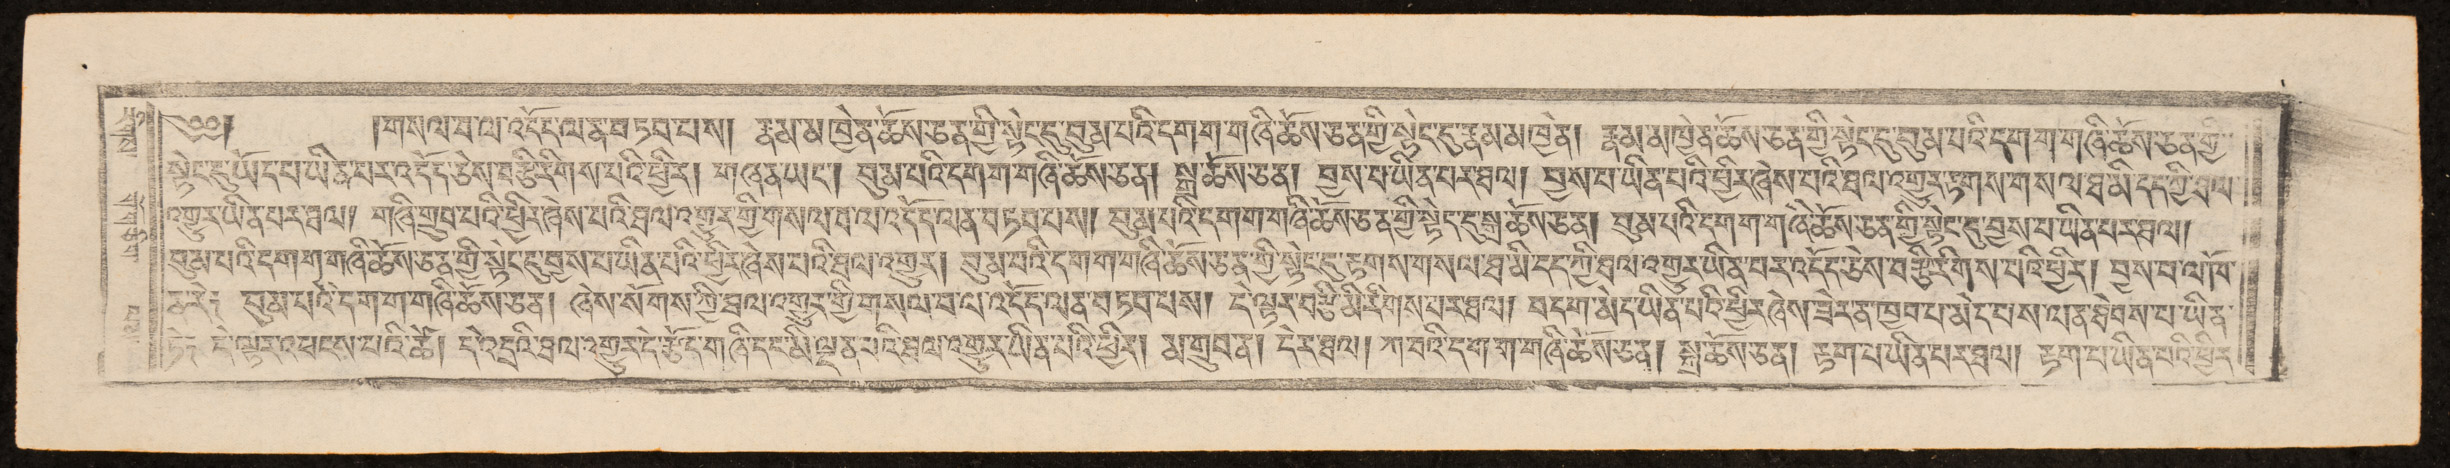༄༅། །གསལ་བ་ལ་འདོད་ལན་བཏབ་པས། རྣམ་མཁྱེན་ཆོས་ཅན། གྱི་སྟེང་དུ་བུམ་པའི་དགག་གཞི་ཆོས་ཅན་གྱི་སྟེང་དུ་རྣམ་མཁྱེན། རྣམ་མཁྱེན་ཆོས་ཅན་གྱི་སྟེང་དུ་བུམ་པའི་དགག་གཞི་ཆོས་ཅན་གྱི་
སྟེང་དུ་ཡོད་པ་ཡིན་པར་འདོད་ཅེས་བརྩི་རིགས་པའི་ཕྱིར། གཞན་ཡང་། བུམ་པའི་དགག་གཞི་ཆོས་ཅན། སྒྲ་ཆོས་ཅན། བྱས་པ་ཡིན་པར་ཐལ། བྱས་པ་ཡིན་པའི་ཕྱིར་ཞེས་པའི་ཐལ་འགྱུར་རྟགས་གསལ་ཐ་མི་དད་ཀྱི་ཐལ་
འགྱུར་ཡིན་པར་ཐལ། གཞི་གྲུབ་པའི་ཕྱིར་ཞེས་པའི་ཐལ་འགྱུར་གྱི་གསལ་བ་ལ་འདོད་ལན་བཏབ་པས། བུམ་པའི་དགག་གཞི་ཆོས་ཅན་གྱི་སྟེང་དུ་སྒྲ་ཆོས་ཅན། བུམ་པའི་དགག་གཞི་ཆོས་ཅན་གྱི་སྟེང་དུ་བྱས་པ་ཡིན་པར་ཐལ།
བུམ་པའི་དགག་གཞི་ཆོས་ཅན་གྱི་སྟེང་དུ་བྱས་པ་ཡིན་པའི་ཕྱིར་ཞེས་པའི་ཐལ་འགྱུར། བུམ་པའི་དགག་གཞི་ཆོས་ཅན་གྱི་སྟེང་དུ་རྟགས་གསལ་ཐ་མི་དད་ཀྱི་ཐལ་འགྱུར་ཡིན་པར་འདོད་ཅེས་བརྩི་རིགས་པའི་ཕྱིར། བྱས་པ་ལ་ཁོ་
ན་རེ། བུམ་པའི་དགག་གཞི་ཆོས་ཅན། ཞེས་སོགས་ཀྱི་ཐལ་འགྱུར་གྱི་གསལ་བ་ལ་འདོད་ལན་བཏབ་པས། དེ་ལྟར་བརྩི་མི་རིགས་པར་ཐལ། བདག་མེད་ཡིན་པའི་ཕྱིར་ཞེས་ཟེར་ན་ཁྱབ་པ་མེད་པས་ལན་ཐེབས་པ་ཡིན་
ཏེ། དེ་ལྟར་འཕངས་པའི་ཚེ། དེ་འདྲའི་ཐལ་འགྱུར་དེ་རྩོད་གཞི་དང་མི་ལྡན་པའི་ཐལ་འགྱུར་ཡིན་པའི་ཕྱིར། མ་གྲུབ་ན། དེར་ཐལ། ཀ་བའི་དགག་གཞི་ཆོས་ཅན། སྒྲ་ཆོས་ཅན། རྟག་པ་ཡིན་པར་ཐལ། རྟག་པ་ཡིན་པའི་ཕྱིར།